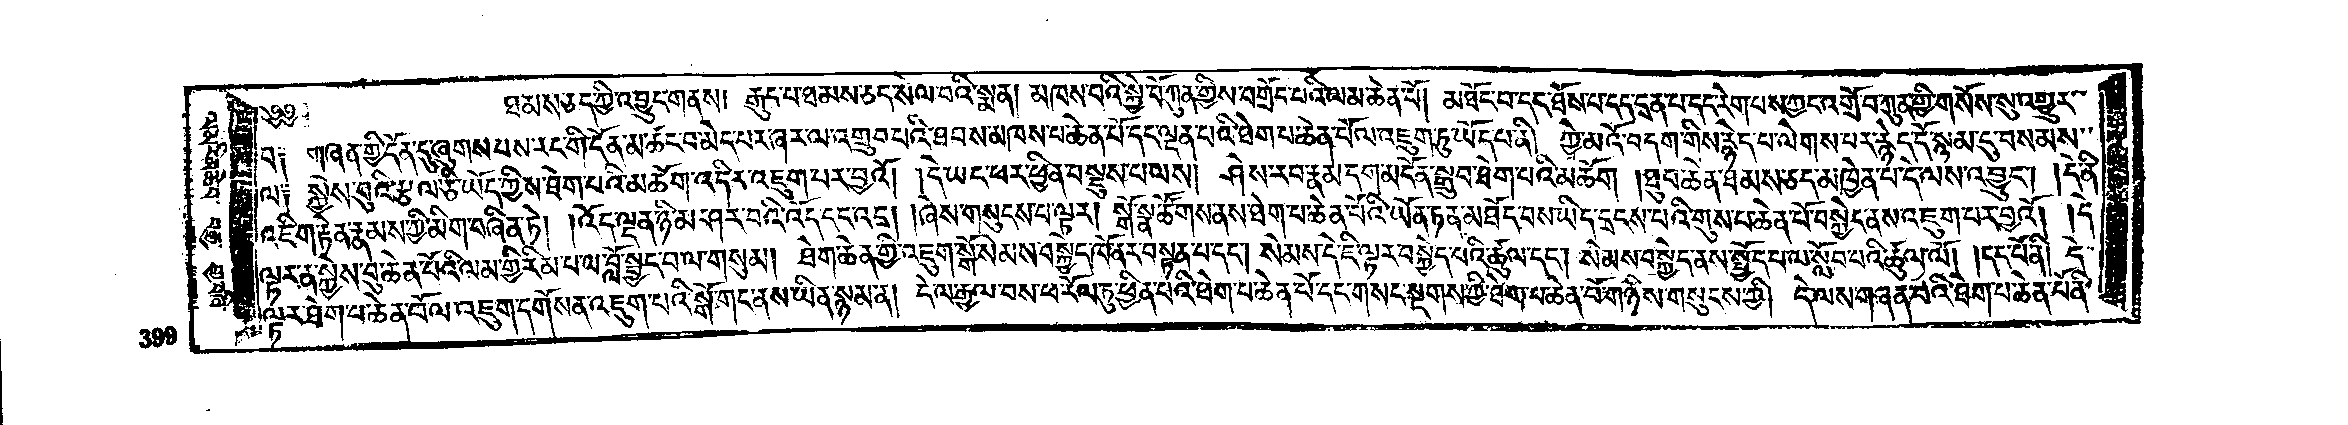༄༅། །ཐམས་ཅད་ཀྱི་འབྱུང་གནས། རྒུད་པ་ཐམས་ཅད་སེལ་བའི་སྨན། མཁས་པའི་སྐྱེ་བོ་ཀུན་གྱིས་བགྲོད་པའི་ལམ་ཆེན་པོ། མཐོང་བ་དང་ཐོས་པ་དང་དྲན་པ་དང་རེག་པས་ཀྱང་འགྲོ་བ་ཀུན་གྱི་གསོས་སུ་འགྱུར་
བ༑ གཞན་གྱི་དོན་དུ་ཞུགས་པས་རང་གི་དོན་མཚང་བ་མེད་པར་ཞར་ལ་འགྲུབ་པའི་ཐབས་མཁས་པ་ཆེན་པོ་དང་ལྡན་པའི་ཐེག་པ་ཆེན་པོ་ལ་འཇུག་ཏུ་ཡོད་པ་ནི། ཀྱེ་མའོ་བདག་གིས་རྙེད་པ་ལེགས་པར་རྙེད་དོ་སྙམ་དུ་བསམས་
ལ༑ སྐྱེས་བུའི་རྩལ་ཅི་ཡོད་ཀྱིས་ཐེག་པའི་མཆོག་འདིར་འཇུག་པར་བྱའོ། །དེ་ཡང་ཕར་ཕྱིན་བསྡུས་པ་ལས། ཤེས་རབ་རྣམ་དག་མངོན་སྒྲུབ་ཐེག་པའི་མཆོག །ཐུབ་ཆེན་ཐམས་ཅད་མཁྱེན་པ་དེ་ལས་འབྱུང་། །དེ་ནི་
འཇིག་རྟེན་རྣམས་ཀྱི་མིག་བཞིན་ཏེ། །འོད་ལྡན་ཉི་མ་ཤར་བའི་འོད་དང་འདྲ། །ཞེས་གསུངས་པ་ལྟར། སྒོ་སྣ་ཚོགས་ནས་ཐེག་པ་ཆེན་པོའི་ཡོན་ཏན་མཐོང་བས་ཡིད་དྲངས་པའི་གུས་པ་ཆེན་པོ་བསྐྱེད་ནས་འཇུག་པར་བྱའོ། །དེ་
ལྟར་ན་སྐྱེས་བུ་ཆེན་པོའི་ལམ་གྱི་རིམ་པ་ལ་བློ་སྦྱང་བ་ལ་གསུམ། ཐེག་ཆེན་གྱི་འཇུག་སྒོ་སེམས་བསྐྱེད་ཁོ་ནར་བསྟན་པ་དང་། སེམས་དེ་ཇི་ལྟར་བསྐྱེད་པའི་ཚུལ་དང་། སེམས་བསྐྱེད་ནས་སྤྱོད་པ་ལ་སློབ་པའི་ཚུལ་ལོ། །དང་པོ་ནི། དེ་
ལྟར་ཐེག་པ་ཆེན་པོ་ལ་འཇུག་དགོས་ན་འཇུག་པའི་སྒོ་གང་ནས་ཡིན་སྙམ་ན། དེ་ལ་རྒྱལ་བས་ཕ་རོལ་ཏུ་ཕྱིན་པའི་ཐེག་པ་ཆེན་པོ་དང་གསང་སྔགས་ཀྱི་ཐེག་པ་ཆེན་པོ་གཉིས་གསུངས་ཀྱི། དེ་ལས་གཞན་པའི་ཐེག་པ་ཆེན་པོ་ནི་